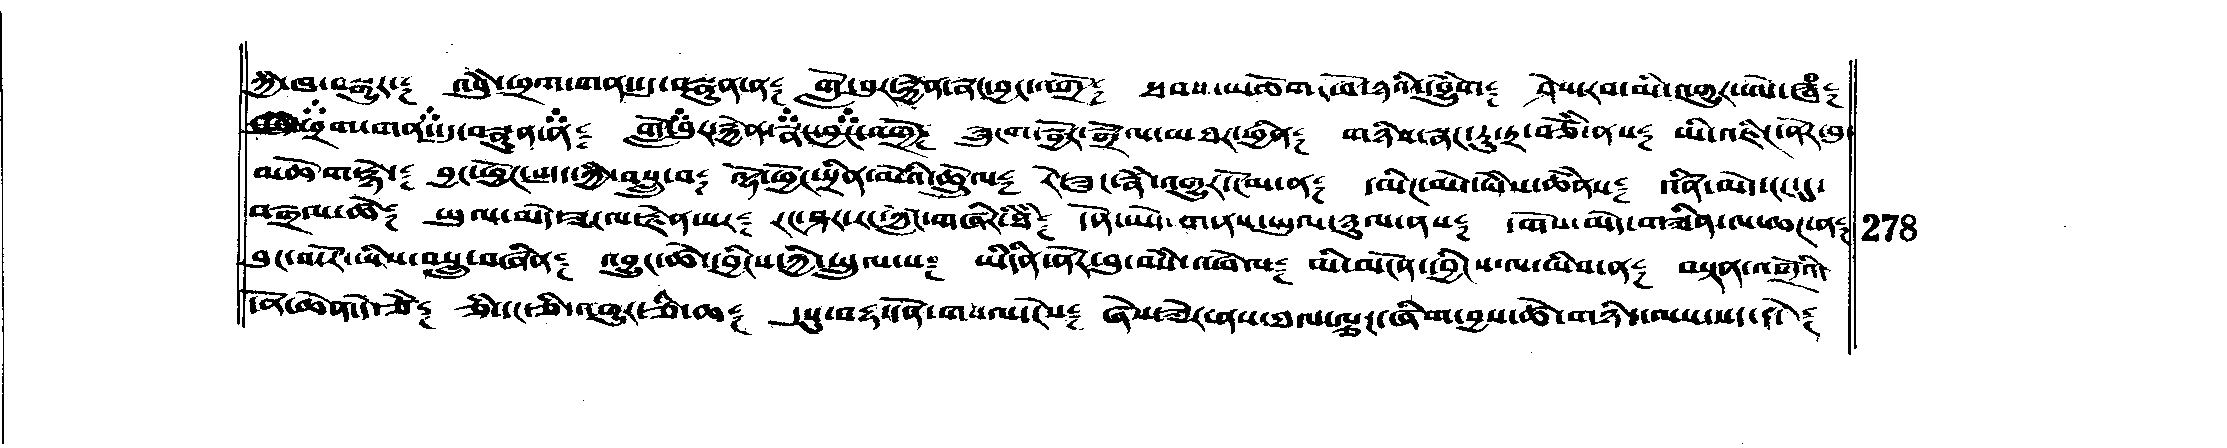ཀྱི་ཁ་བསྒྱུར། །འབུམ་ཕྲག་གནད་དུ་བསྣུན་ན། །གློ་བུར་རྐྱེན་སྣང་བྱང་འགྲོ། །ཐབས་མཆོག་ཕོ་ཉའི་དབང་ཕྱུག །ཤེས་རབ་མི་འགྱུར་ཨེ་ཝཾ། །
ཟུང་འཇུག་སྦྱོར་སྒྲོལ་མཐར་ཕྱིན། །གཉིས་སྣང་རུ་ཏྲ་བཅོམ་ནས། །མི་འཇིགས་ནོར་བུ་
མཆོག་རྙེད། །བྱང་ཕྱོགས་བདུད་ཀྱི་བསླུ་བ། །ལྷོ་ཕྱོགས་སྲིན་མོའི་ཆོ་འཕྲུལ། །རེ་ཟུང་རྣམ་འགྱུར་ངོམ་ན། །དམིགས་མེད་ཡེ་ཤེས་ཆེན་པོས། །འཛིན་མེད་ངང་དུ་
བསྒྲལ་ཚེ། །ཡུལ་མེད་ཟང་ཐལ་རྗེན་པར། །རང་ཤར་རང་ཀློང་གཞིར་ཐིམ། །དོན་མེད་གནས་ཡུལ་ཉུལ་ནས། །དགོས་མེད་གཟན་ལ་ཆགས་ན། །
བུང་བ་རོ་ཡིས་བསླུ་བཞིན། །འབྱུང་ཚེ་དབྱིངས་ཀྱི་སྤྲུལ་པ། །ཡིད་བཞིན་ནོར་བུ་བསམ་འཕེལ། །མི་མངོན་དབྱིངས་ལ་ཡིབ་ན། །བསྟན་འགྲོའི་
དོན་ཆེན་དེ་ཙམ། །ཅི་དང་ཅི་འགྱུར་ཅི་ཆ། །དུས་སུ་བརྡ་དོན་གསལ་ངེས། །ཞེས་ཟེར་ནས་ཐལ་ལྕགས་ཞིག་བྱས་ཚེ་གཉིད་ལས་སད་དོ།